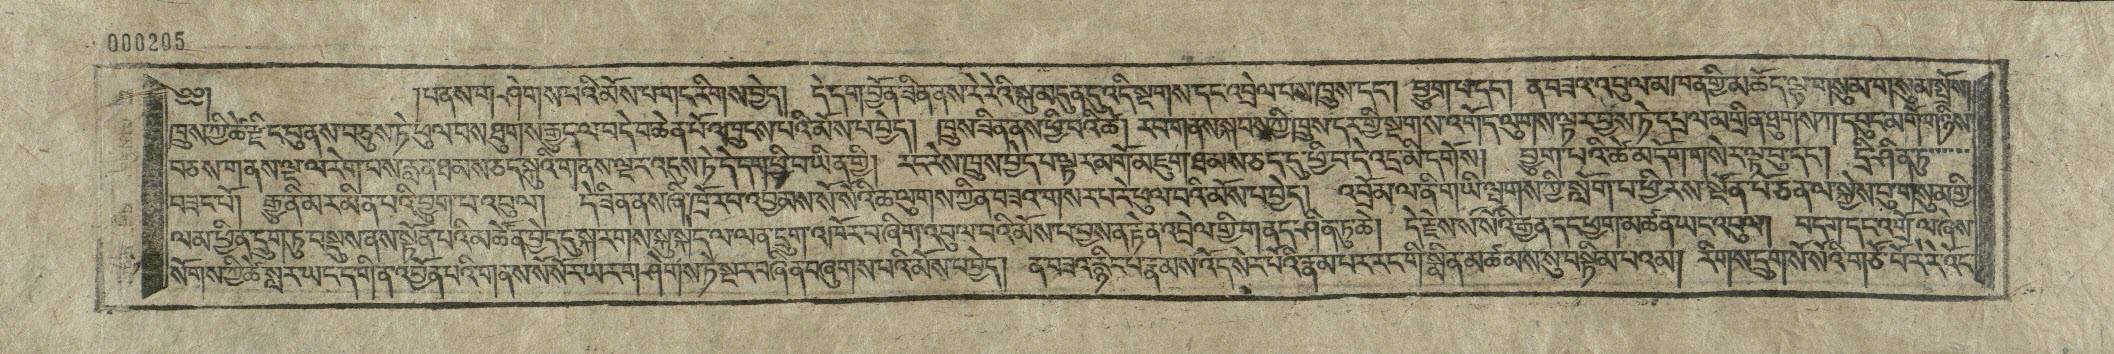༄༅། །པ་ནས་གཤེགས་པའི་མོས་པ་གང་རིགས་བྱེད། དེ་དག་བྱོན་ཟིན་ནས་རེ་རེའི་སྐུ་མདུན་དུ་འདི་སྔགས་དང་འབྲེལ་བས་ཁྲུས་དང་། བྱུག་པ་དང་། ན་བཟའ་འབུལ་མཁན་གྱི་མཆོད་ལྷ་གསུམ་གསུམ་སྤྲོས།
ཁྲུས་ཀྱི་ཚེ་རྫིང་བུ་ནས་བཅུས་ཏེ་ཕུལ་བས་ཐུགས་རྒྱུད་ལ་བདེ་བ་ཆེན་པོ་འཁྲུངས་པའི་མོས་པ་བྱེད། ཁྲུས་ཟིན་ནས་ཕྱི་བའི་ཚེ། རབ་གནས་སྐབས་ཀྱི་ཁྲུས་དར་གྱི་སྔགས་འགོད་ལུགས་ལྟར་བྱས་ཏེ་དཔྲལ་མགྲིན་ཐུགས་ཀ་དཔུང་མགོ་གཉིས་
བཅས་གནས་ལྔ་ལ་རེག་པས་རླན་ཐམས་ཅད་སྐུའི་གནས་ལྔར་འདུས་ཏེ་དེ་དག་ཕྱི་བ་ཡིན་གྱི། རང་རེས་ཁྲུས་བྱེད་པ་ལྟར་མགོ་མཇུག་ཐམས་ཅད་དུ་ཕྱི་བ་དེ་འདྲ་མི་དགོས། བྱུག་པའི་ཚེ་མདོག་གསེར་ལྟ་བུ་དང་། དྲི་ཤིན་ཏུ་
བཟང་པོ། རྒྱུ་ནི་མར་མིན་པའི་བྱུག་པ་འབུལ། དེ་ཟིན་ནས་ཞི་ཁྲོ་རབ་འབྱམས་སོ་སོའི་ཆ་ལུགས་ཀྱི་ན་བཟའ་གསར་པ་རེ་ཕུལ་བའི་མོས་པ་བྱེད། འབྲོམ་ལ་ནི་གཡི་ལྤགས་ཀྱི་སློག་པ་ཕྱི་རས་སྔོན་པོ་ཅན་ལ་སྐྱེས་བུ་གསུམ་གྱི་
ལམ་ཕྱིན་དྲུག་ཏུ་བསྡུས་ནས་སྟོན་པའི་མཚོན་བྱེད་དུ་སྐ་རགས་སྐུ་སྐེད་ལ་ལན་དྲུག་འཁོར་བ་ཞིག་འབུལ་བའི་མོས་པ་བྱས་ན་རྟེན་འབྲེལ་གྱི་གནད་ཤིན་ཏུ་ཆེ། དེ་རྗེས་སོ་སོའི་རྒྱན་དང་ཕྱག་མཚན་ཡང་འབུལ། བདག་དང་འགྲོ་ལ་ཞེས་
སོགས་ཀྱི་ཚེ་སླར་ཡང་ད་གིན་?་འབྱོན་པའི་གནས་སོ་སོར་ཡར་གཤེགས་ཏེ་སྔར་བཞིན་བཞུགས་པའི་མོས་པ་བྱེད། ན་བཟའ་རྙིང་པ་རྣམས་འོད་སེར་པོའི་རྣམ་པར་རང་གི་སྨིན་མཚམས་སུ་བསྟིམ་པའམ། རིགས་དྲུག་སོ་སོའི་གཙོ་བོ་རེ་རེ་འོང་